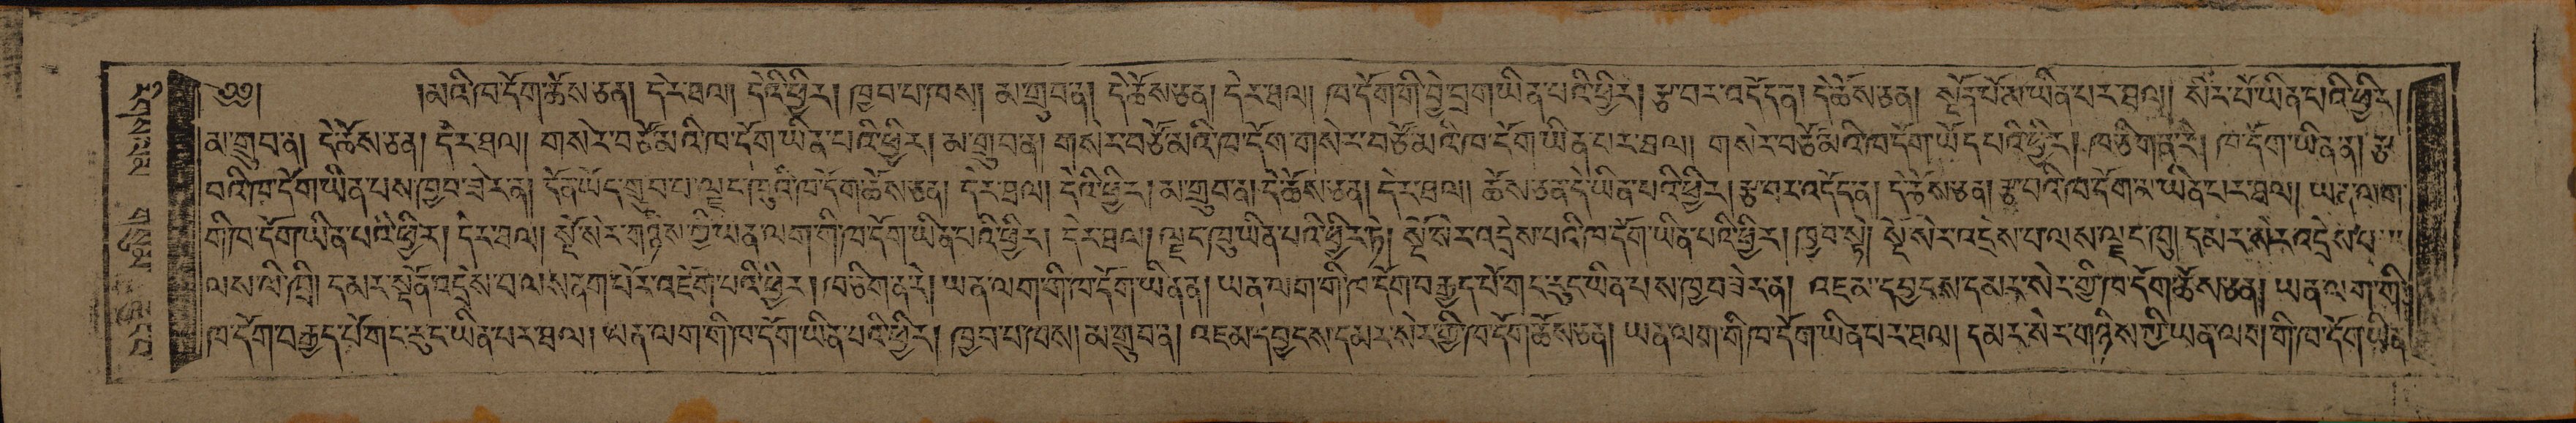༄༅། །མའི་ཁ་དོག་ཆོས་ཅན། དེར་ཐལ། དེའི་ཕྱིར། ཁྱབ་པ་ཁས། མ་གྲུབ་ན། དེ་ཆོས་ཅན། དེར་ཐལ། ཁ་དོག་གི་བྱེ་བྲག་ཡིན་པའི་ཕྱིར། རྩ་བར་འདོད་ན། དེ་ཆོས་ཅན། སྔོན་པོ་མ་ཡིན་པར་ཐལ། སེར་པོ་ཡིན་པའི་ཕྱིར་
མ་གྲུབ་ན། དེ་ཆོས་ཅན། དེར་ཐལ། གསེར་བཙོ་མའི་ཁ་དོག་ཡིན་པའི་ཕྱིར། མ་གྲུབ་ན། གསེར་བཙོ་མའི་ཁ་དོག་གསེར་བཙོ་མའི་ཁ་དོག་ཡིན་པར་ཐལ། གསེར་བཙོ་མའི་ཁ་དོག་ཡོད་པའི་ཕྱིར། ཁ་ཅིག་ན་རེ། ཁ་དོག་ཡིན་ན། རྩ་
བའི་ཁ་དོག་ཡིན་པས་ཁྱབ་ཟེར་ན། དོན་ཡོད་གྲུབ་པ་ལྗང་ཁུའི་ཁ་དོག་ཆོས་ཅན། དེར་ཐལ། དེའི་ཕྱིར། མ་གྲུབ་ན། དེ་ཆོས་ཅན། དེར་ཐལ། ཆོས་ཅན་དེ་ཡིན་པའི་ཕྱིར། རྩ་བར་འདོད་ན། དེ་ཆོས་ཅན། རྩ་བའི་ཁ་དོག་མ་ཡིན་པར་ཐལ། ཡན་ལག་
གི་ཁ་དོག་ཡིན་པའི་ཕྱིར། དེར་ཐལ། སྔོ་སེར་གཉིས་ཀྱི་ཡན་ལག་གི་ཁ་དོག་ཡིན་པའི་ཕྱིར། དེར་ཐལ། ལྗང་ཁུ་ཡིན་པའི་ཕྱིར་ཏེ། སྔོ་སེར་འདྲེས་པའི་ཁ་དོག་ཡིན་པའི་ཕྱིར། ཁྱབ་སྟེ། སྔོ་སེར་འདྲེས་པ་ལས་ལྗང་ཁུ། དམར་སེར་འདྲེས་པ་
ལས་ལི་ཁྲི། དམར་སྔོན་འདྲེས་པ་ལས་ནག་པོར་འཇོག་པའི་ཕྱིར། ཁ་ཅིག་ན་རེ། ཡན་ལག་གི་ཁ་དོག་ཡིན་ན། ཡན་ལག་གི་ཁ་དོག་བརྒྱད་པོ་གང་རུང་ཡིན་པས་ཁྱབ་ཟེར་ན། འཇམ་དབྱངས་དམར་སེར་གྱི་ཁ་དོག་ཆོས་ཅན། ཡན་ལག་གི་
ཁ་དོག་བརྒྱད་པོ་གང་རུང་ཡིན་པར་ཐལ། ཡན་ལག་གི་ཁ་དོག་ཡིན་པའི་ཕྱིར། ཁྱབ་པ་ཁས། མ་གྲུབ་ན། འཇམ་དབྱངས་དམར་སེར་གྱི་ཁ་དོག་ཆོས་ཅན། ཡན་ལག་གི་ཁ་དོག་ཡིན་པར་ཐལ། དམར་སེར་གཉིས་ཀྱི་ཡན་ལག་གི་ཁ་དོག་ཡིན་